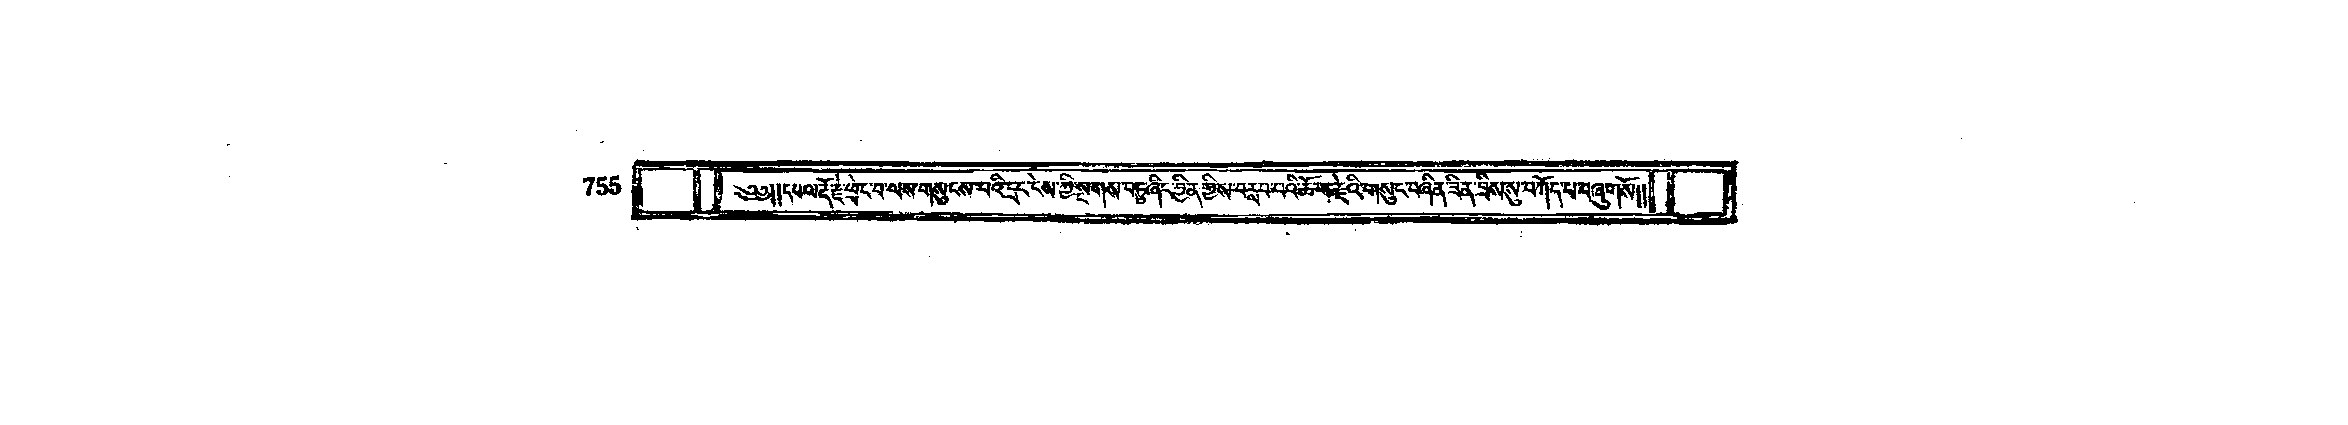༄༅། །དཔལ་རྡོ་རྗེ་ཕྲེང་བ་ལས་གསུངས་པའི་དྲང་ངེས་ཀྱི་སྔགས་བཏུ་ཞིང་བྱིན་གྱིས་བརླབ་པའི་ཆོ་ག་རྗེའི་གསུང་བཞིན་ཟིན་བྲིས་སུ་བཀོད་པ་བཞུགས་སོ། །